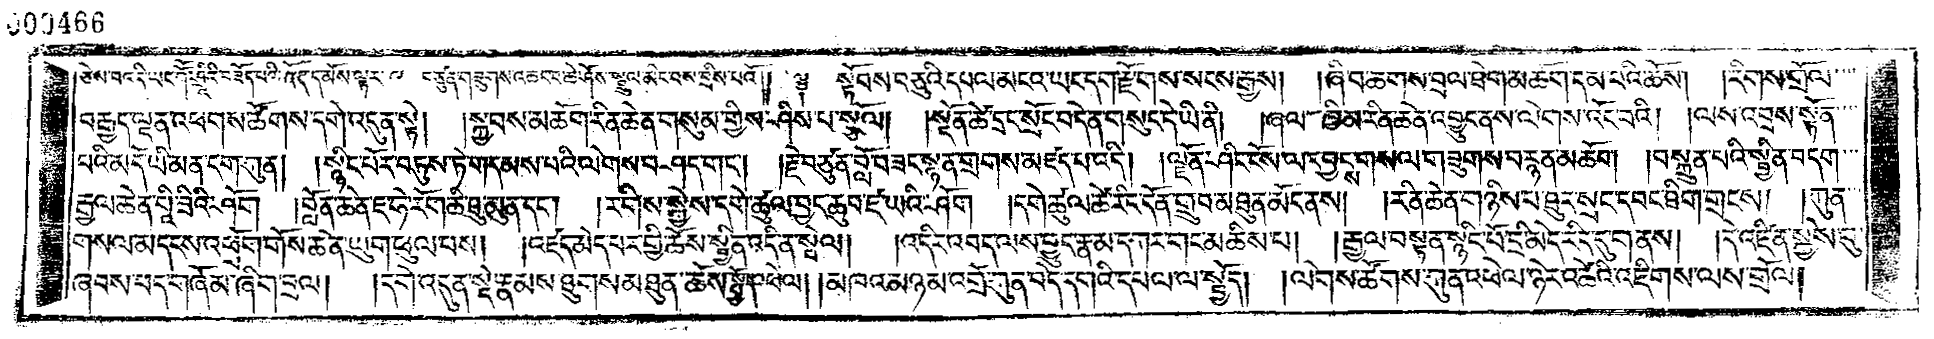ཅེས་པ་འདི་ཡང་ཀཽ་ཤྲཱིའི་བཟོད་པའི་འོད་དམོས་ལྟར་༧་བཙུན་གཟུགས་འཆང་བ་ཆེ་ཤོས་སྤྲུལ་མིང་བས་བྲིས་པའོ།།  ༈ སྟོབས་བཅུའི་དཔལ་མངའ་ཡང་དག་རྫོགས་སངས་རྒྱས། །ཞི་བ་ཆགས་བྲལ་ཐེག་མཆོག་དམ་པའི་ཆོས། །རིགས་གྲོལ་
བརྒྱད་ལྡན་འཕགས་ཚོགས་དགེ་འདུན་སྟེ། །སྐྱབས་མཆོག་རིན་ཆེན་གསུམ་གྱིས་ཤིས་པ་སྩོལ། །སྔོན་ཚེ་དྲང་སྲོང་བདེན་གསུང་དེ་ཡི་ནི། །ཞལ་ཁྱིམ་རིན་ཆེན་འབྱུང་ནས་ལེགས་འོང་བའི། །ལས་འབྲས་སྟོན་
པའི་མདོ་ཡི་མན་ངག་ཀུན། །སྙིང་པོར་བཏུས་ཏེ་གདམས་པའི་ལེགས་བཤད་གང་། །རྗེ་བཙུན་བློ་བཟང་སྙན་གྲགས་མཛད་པ་འདི། །ལྗོན་ཤིང་ངོས་ལ་དབྱངས་གསལ་གཟུགས་བརྙན་མཆོག །བསྐྲུན་པའི་སྦྱིན་བདག་
རྒྱལ་ཆེན་པཱི་ཟིའི་ཤོག །བློན་ཆེན་ཇ་ཧེ་རོག་ཆི་ཐུ་མུན་དང་། །རིགས་སྐྱེས་དགེ་ཚུལ་བྱང་ཆུབ་ཛ་ཡའི་ཤོག །དགེ་ཚུལ་ཚེ་རིང་དོན་གྲུབ་མཐུན་མོང་ནས། །རིན་ཆེན་གཉིས་པ་ཐུར་སྲང་དབང་ཐིག་གྲངས། །ཀུན་
གསལ་མདངས་འཕྲོག་གོས་ཆེན་ཡུག་ཕུལ་པས། །འཛད་མེད་པར་གྱི་ཆོས་སྦྱིན་འདི་ན་སྤེལ། །འདིར་འབད་ལས་བྱུང་རྣམ་དཀར་གང་མཆིས་པ། །རྒྱལ་བསྟན་སྙིང་པོ་དྲི་མེད་རིང་དུ་གནས། །དེ་འཛིན་སྐྱེས་བུ་
ཞབས་པད་གཞོམ་ཞིག་བྲལ། །དགེ་འདུན་སྡེ་རྣམས་ཐུགས་མཐུན་ཆོས་སྤྱོད་འཕེལ། །མཁའ་མཉམ་འགྲོ་ཀུན་བདེ་དགའི་དཔལ་ལ་སྤྱོད། །ལེགས་ཚོགས་ཀུན་འཕེལ་ཉེར་འཚེའི་འཇིགས་ལས་གྲོལ།